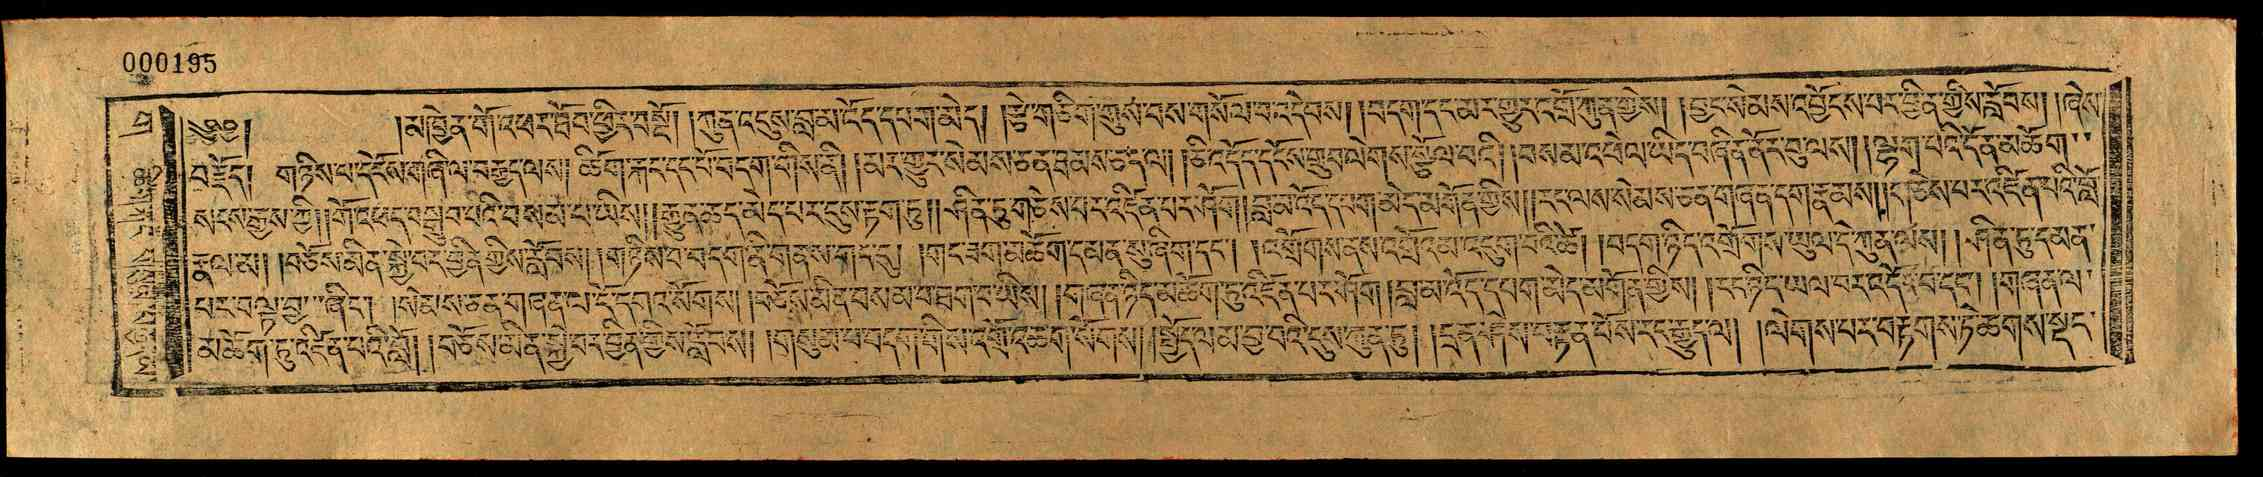༄༅། །མཁྱེན་གོ་འཕང་ཐོབ་ཕྱིར་བསྔོ། །ཀུན་འདུས་བླ་མ་འོད་དཔག་མེད། །རྩེ་གཅིག་གུས་པས་གསོལ་བ་འདེབས། །བདག་དང་མར་གྱུར་འགྲོ་ཀུན་གྱིས། །བྱང་སེམས་འབྱོངས་པར་བྱིན་གྱིས་རློབས། །ཞེས་
བརྗོད། གཉིས་པ་དངོས་གཞི་ལ་བརྒྱད་ལས།  ཚིག་རྐང་དང་པོ་བདག་གིས་ནི། །མར་གྱུར་སེམས་ཅན་ཐམས་ཅད་ལ། །ཅི་འདོད་དངོས་གྲུབ་ལེགས་སྩོལ་བའི། །བསམ་འཕེལ་ཡིད་བཞིན་ནོར་བུ་ལས། །ལྷག་པའི་དོན་མཆོག་
སངས་རྒྱས་ཀྱི། །གོ་འཕང་བསྒྲུབ་པའི་བསམ་པ་ཡིས། །རྒྱུན་ཆད་མེད་པར་དུས་རྟག་ཏུ། །ཤིན་ཏུ་གཅེས་པར་འཛིན་པར་ཤོག །བླ་མ་འོད་དཔག་མེད་མགོན་གྱིས། །རང་ལས་སེམས་ཅན་གཞན་དག་རྣམས། །གཅེས་པར་འཛིན་པའི་བློ་
རྣལ་མ། །བཅོས་མིན་སྐྱེ་བར་བྱིན་གྱིས་རློབས། །གཉིས་པ་བདག་ནི་གནས་གང་དུ། །གང་ཟག་མཆོག་དམན་སུ་ཞིག་དང་། །འགྲོགས་ནས་འགྲོ་འམ་འདུག་པའི་ཚེ། །བདག་ཉིད་འགྲོགས་ཡུལ་དེ་ཀུན་ལས། །ཤིན་ཏུ་དམན་
པར་བལྟ་བྱ་ཞིང་། །སེམས་ཅན་གཞན་ལ་ངོ་དགའ་སོགས། །བཅོས་མིན་བསམ་པ་ཐག་པ་ཡིས། །གཞན་ཉིད་མཆོག་ཏུ་འཛིན་པར་ཤོག །བླ་མ་འོད་དཔག་མེད་མགོན་གྱིས། །རང་ཉིད་ཡལ་བར་འདོར་བ་དང་། །གཞན་ལ་
མཆོག་ཏུ་འཛིན་པའི་བློ། །བཅོས་མིན་སྐྱེ་བར་བྱིན་གྱིས་རློབས། །གསུམ་པ་བདག་གིས་འགྲོ་འཆག་སོགས། །སྤྱོད་ལམ་བྱ་བའི་དུས་ཀུན་ཏུ། །དྲན་ཤེས་བརྟན་པོས་རང་རྒྱུད་ལ། །ལེགས་པར་བརྟགས་ཏེ་ཆགས་སྡང་